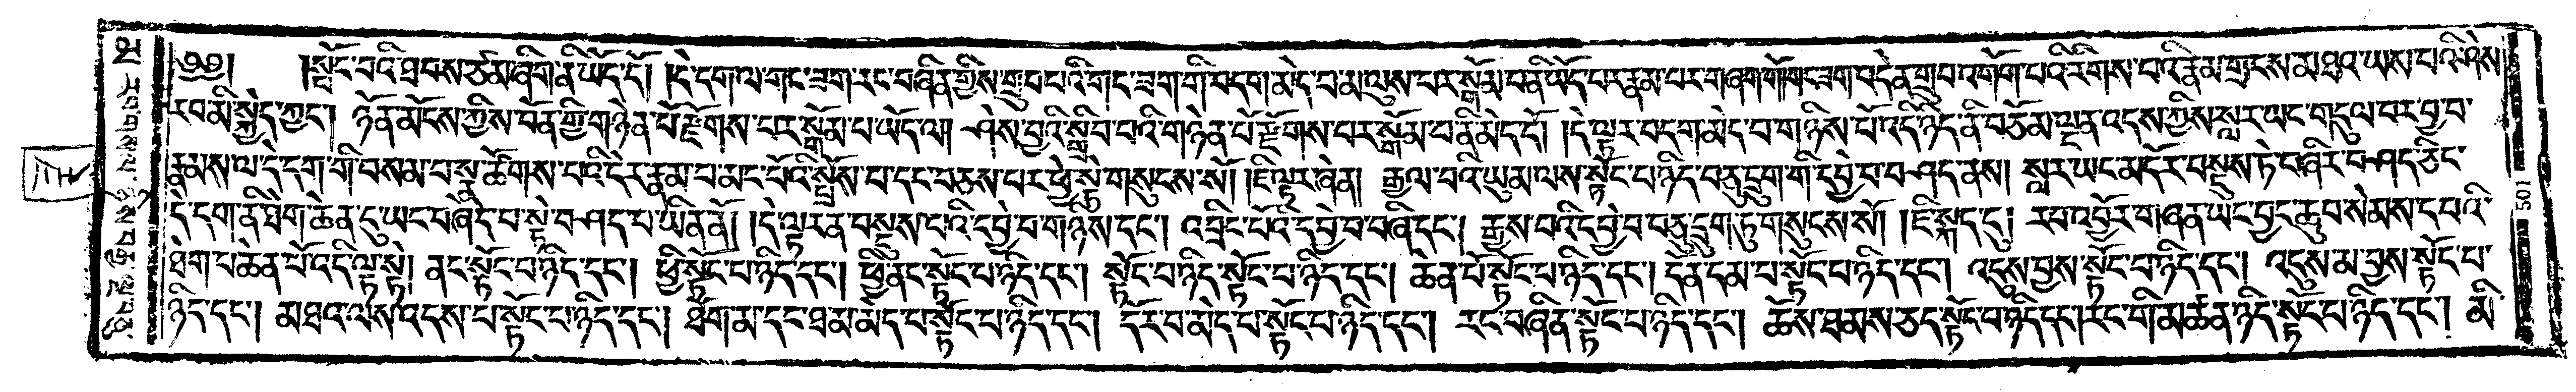༄༅། །སྤོང་བའི་ཐབས་ཙམ་ཞིག་ནི་ཡོད་དོ། །དེ་དག་ལ་གང་ཟག་རང་བཞིན་གྱིས་གྲུབ་པའི་གང་ཟག་གི་བདག་མེད་པ་མ་ལུས་པར་སྒོམ་པ་ནི་ཡོད་པར་རྣམ་པར་གཞག་གོ །གང་ཟག་བདེན་གྲུབ་འགོག་པའི་རིགས་པའི་རྣམ་གྲངས་མཐའ་ཡས་པའི་ཤེས་
རབ་མི་སྐྱེད་ཀྱང་། ཉོན་མོངས་ཀྱི་ས་བོན་གྱི་གཉེན་པོ་རྫོགས་པར་སྒོམ་པ་ཡོད་ལ། ཤེས་བྱའི་སྒྲིབ་པའི་གཉེན་པོ་རྫོགས་པར་སྒོམ་པ་ནི་མེད་དོ། །དེ་ལྟར་བདག་མེད་པ་གཉིས་པོ་འདི་ཉིད་ནི་བཅོམ་ལྡན་འདས་ཀྱིས་སླར་ཡང་གདུལ་བར་བྱ་བ་
རྣམས་ལ་དེ་དག་གི་བསམ་པ་སྣ་ཚོགས་པའི་ངོར་རྣམ་པ་མང་པོའི་སྤྲོས་པ་དང་བཅས་པར་ཕྱེ་སྟེ་གསུངས་སོ། །ཇི་ལྟར་ཞེ་ན། རྒྱལ་བའི་ཡུམ་ལས་སྟོང་པ་ཉིད་བཅུ་དྲུག་གི་དབྱེ་བ་བཤད་ནས། སླར་ཡང་མདོར་བསྡུས་ཏེ་བཞིར་བཞག་ཅིང་
དེ་དག་ནི་ཐེག་ཆེན་དུ་ཡང་བཞེད་པ་སྟེ་བཤད་པ་ཡིན་ནོ། །དེ་ལྟར་ན་བསྡུས་པའི་དབྱེ་བ་གཉིས་དང་། འབྲིང་པོའི་དབྱེ་བ་བཞི་དང་། རྒྱས་པའི་དབྱེ་བ་བཅུ་དྲུག་ཏུ་གསུངས་སོ། །ཇི་སྐད་དུ། རབ་འབྱོར་གཞན་ཡང་བྱང་ཆུབ་སེམས་དཔའི་
ཐེག་པ་ཆེན་པོ་འདི་ལྟ་སྟེ། ནང་སྟོང་པ་ཉིད་དང་། ཕྱི་སྟོང་པ་ཉིད་དང་། ཕྱི་ནང་སྟོང་པ་ཉིད་དང་། སྟོང་པ་ཉིད་སྟོང་པ་ཉིད་དང་། ཆེན་པོ་སྟོང་པ་ཉིད་དང་། དོན་དམ་པ་སྟོང་པ་ཉིད་དང་། འདུས་བྱས་སྟོང་པ་ཉིད་དང་། འདུས་མ་བྱས་སྟོང་པ་
ཉིད་དང་། མཐའ་ལས་འདས་པ་སྟོང་པ་ཉིད་དང་། ཐོག་མ་དང་ཐ་མ་མེད་པ་སྟོང་པ་ཉིད་དང་། དོར་བ་མེད་པ་སྟོང་པ་ཉིད་དང་། རང་བཞིན་སྟོང་པ་ཉིད་དང་། ཆོས་ཐམས་ཅད་སྟོང་པ་ཉིད་དང་། རང་གི་མཚན་ཉིད་སྟོང་པ་ཉིད་དང་། མི་